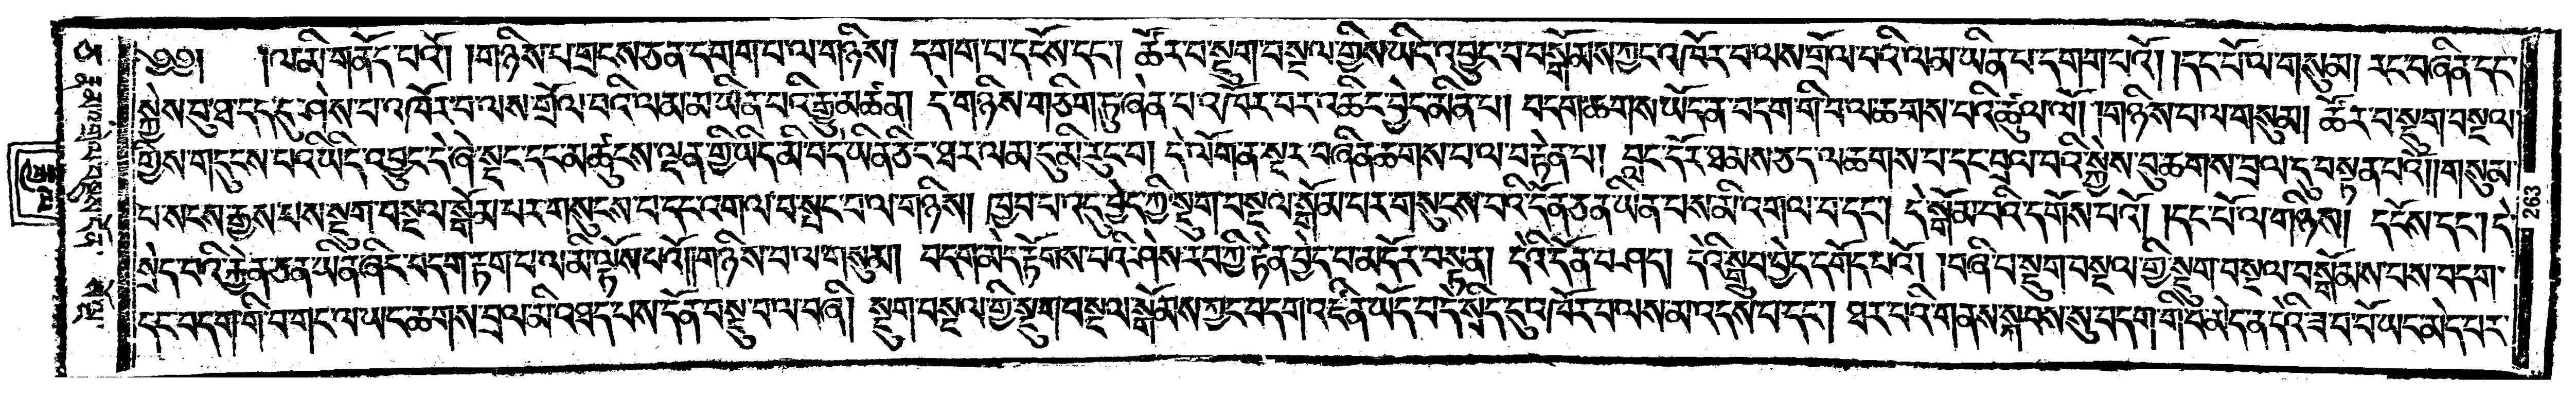༄༅། །ལ་མི་གནོད་པའོ། །གཉིས་པ་གྲངས་ཅན་དགག་པ་ལ་གཉིས། དགག་པ་དངོས་དང་། ཚོར་བ་སྡུག་བསྔལ་གྱིས་ཡིད་འབྱུང་བ་བསྒོམས་ཀྱང་འཁོར་བ་ལས་གྲོལ་བའི་ལམ་ཡིན་པ་དགག་པའོ། །དང་པོ་ལ་གསུམ། རང་བཞིན་དང་
སྐྱེས་བུ་ཐ་དད་དུ་ཤེས་པ་འཁོར་བ་ལས་གྲོལ་བའི་ལམ་མ་ཡིན་པའི་རྒྱུ་མཚན། དེ་གཉིས་གཅིག་ཏུ་ཞེན་པ་འཁོར་བར་འཆིང་བྱེད་མིན་པ། བདག་ཆགས་ཡོད་ན་བདག་གི་བ་ལ་ཆགས་པའི་ཚུལ་ལོ། །གཉིས་པ་ལ་གསུམ། ཚོར་བ་སྡུག་བསྔལ་
གྱིས་གདུངས་པའི་ཡིད་འབྱུང་དེ་ཞེ་སྡང་དང་མཚུངས་ལྡན་གྱི་ཡིད་མི་བདེ་ཡིན་ཅིང་ཐར་ལམ་དུ་མི་རུང་བ། དེ་ལོག་ན་སྔར་བཞིན་ཆགས་པ་ལ་བརྟེན་པ། བླང་དོར་ཐམས་ཅད་ལ་ཆགས་པ་དང་བྲལ་བའི་སྐྱེས་བུ་ཆགས་བྲལ་དུ་བསྟན་པའོ། །གསུམ་
པ་སངས་རྒྱས་པས་སྡུག་བསྔལ་སྒོམ་པར་གསུངས་པ་དང་འགལ་བ་སྤང་པ་ལ་གཉིས། ཁྱབ་པ་འདུ་བྱེད་ཀྱི་སྡུག་བསྔལ་སྒོམ་པར་གསུངས་པའི་དོན་ཅན་ཡིན་པས་མི་འགལ་བ་དང་། དེ་སྒོམ་པའི་དགོས་པའོ། །དང་པོ་ལ་གཉིས། དངོས་དང་། དེ་
སྲེད་པའི་རྐྱེན་ཅན་ཡིན་ཞིང་བདག་རྟག་པ་ལ་མི་ལྟོས་པའོ། །གཉིས་པ་ལ་གསུམ། བདག་མེད་རྟོགས་པའི་ཤེས་རབ་ཀྱི་རྟེན་བྱེད་པ་མདོར་བསྟན། དེའི་དོན་བཤད། དེའི་སྒྲུབ་བྱེད་དགོད་པའོ། །བཞི་པ་སྡུག་བསྔལ་གྱི་སྡུག་བསྔལ་བསྒོམས་པས་བདག་
དང་བདག་གི་བ་གང་ལ་ཡང་ཆགས་བྲལ་མི་འཐད་པས་དོན་བསྡུ་བ་ལ་བཞི། སྡུག་བསྔལ་གྱི་སྡུག་བསྔལ་སྒོམས་ཀྱང་བདག་འཛིན་ཡོད་པ་དེ་སྲིད་དུ་འཁོར་བ་ལས་མ་འདས་པ་དང་། ཐར་པའི་གནས་སྐབས་སུ་བདག་གི་བ་མེད་ན་དེའི་ཟ་བ་པོ་ཡང་མེད་པར་